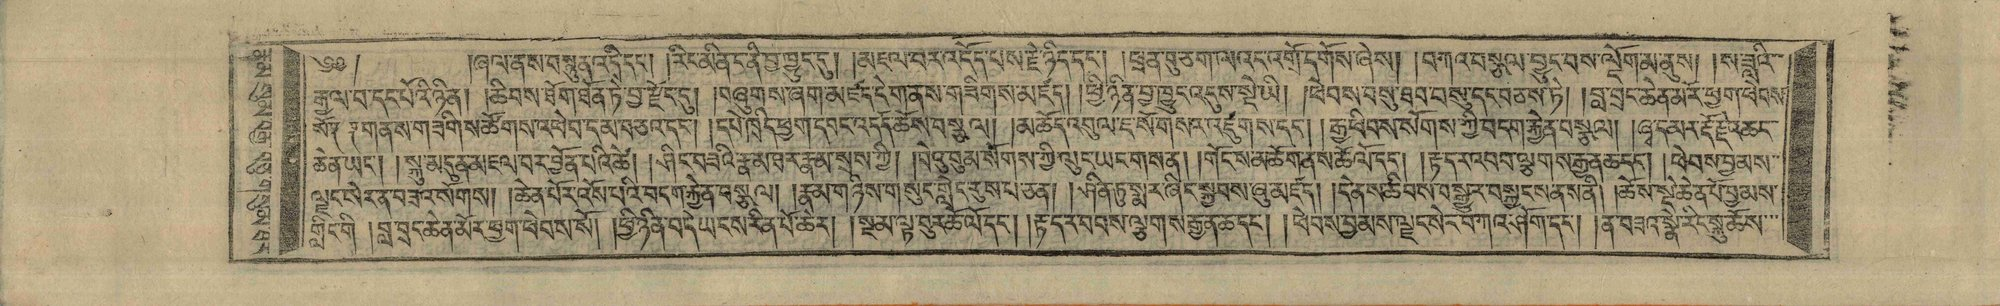༄༅། །ཞལ་ནས་བསྙུན་འདྲི་དང་། །རིང་མིན་ང་ནི་བྱ་ཁྱུང་དུ། །མཇལ་བར་འདོད་པས་རྗེ་ཉིད་དང་། །ཕྲན་བུ་ཅག་ལའང་འགྲོ་དགོས་ཞེས། །བཀའ་བསྩལ་བྱུང་བས་ལྡོག་མ་ནུས། །ས་ཟླའི་
རྒྱལ་བ་དང་པོའི་ཉིན། །ཆིབས་ཐོག་ཐོན་ཏེ་བྱ་རྫོང་དུ། །བཞུགས་ཞག་མཛད་དེ་གནས་གཟིགས་མཛད། །ཕྱི་ཉིན་བྱ་ཁྱུང་འདུས་སྡེ་ཡི། །ཕེབས་བསུ་ཐབ་བསུ་དང་བཅས་ཏེ། །བླ་བྲང་ཆེན་མོར་ཕྱག་ཕེབས་
སོ། །གནས་གཟིགས་ཚོགས་འཕེབ་དམ་བཅའ་དང་། །དཔེ་ཁྲིད་ཕྱག་དབང་འདོད་ཆོས་བསྩལ། །མཆོད་འབུལ་ཇ་སོ་གསར་འཛུགས་དང་། །རྒྱ་ཕིབས་སོགས་ཀྱི་བདག་རྐྱེན་བསྩལ། །ཞྭ་དམར་རྡོ་རྗེ་འཆང་
ཆེན་ཡང་། །སྐུ་མདུན་མཇལ་བར་བྱོན་པའི་ཚེ། །ཤིང་བཟའི་རྣམ་ཐར་རྣམ་སྲས་ཀྱི། །བེའུ་བུམ་སོགས་ཀྱི་ལུང་ཡང་གསན། །གོང་ས་མཆོག་ནས་ཆོ་ལོ་དང་། །རྟ་དར་འབབ་ལྕགས་རྒྱན་ཆ་དང་། །ཕེབས་བྱམས་
ལྗང་སེར་ན་བཟའ་སོགས། །ཆེན་པོར་འོས་པའི་བདག་རྐྱེན་བསྩལ། །རྣམ་གཉིས་གསུང་གླེང་རུས་པ་ཅན། །ཤིན་ཏུ་སྨར་ཞིང་སྐྱབས་ཞུ་མཛད། །དེ་ནས་ཆིབས་བསྒྱུར་བསྐྱངས་ནས་ནི། །ཆོས་སྡེ་ཆེན་པོ་བྱམས་
གླིང་གི །བླ་བྲང་ཆེན་མོར་ཕྱག་ཕེབས་སོ། །ཕྱི་ཉིན་བདེ་ཡངས་རིན་པོ་ཆེར། །སྔ་མ་ལྟ་བུར་ཆོ་ལོ་དང་། །རྟ་དར་བབས་ལྕགས་རྒྱན་ཆ་དང་། །ཕེབས་བྱམས་ལྗང་སེར་བཀའ་ཤོག་དང་། །ན་བཟའ་སྣེ་རིང་སྐུ་ཆོས་